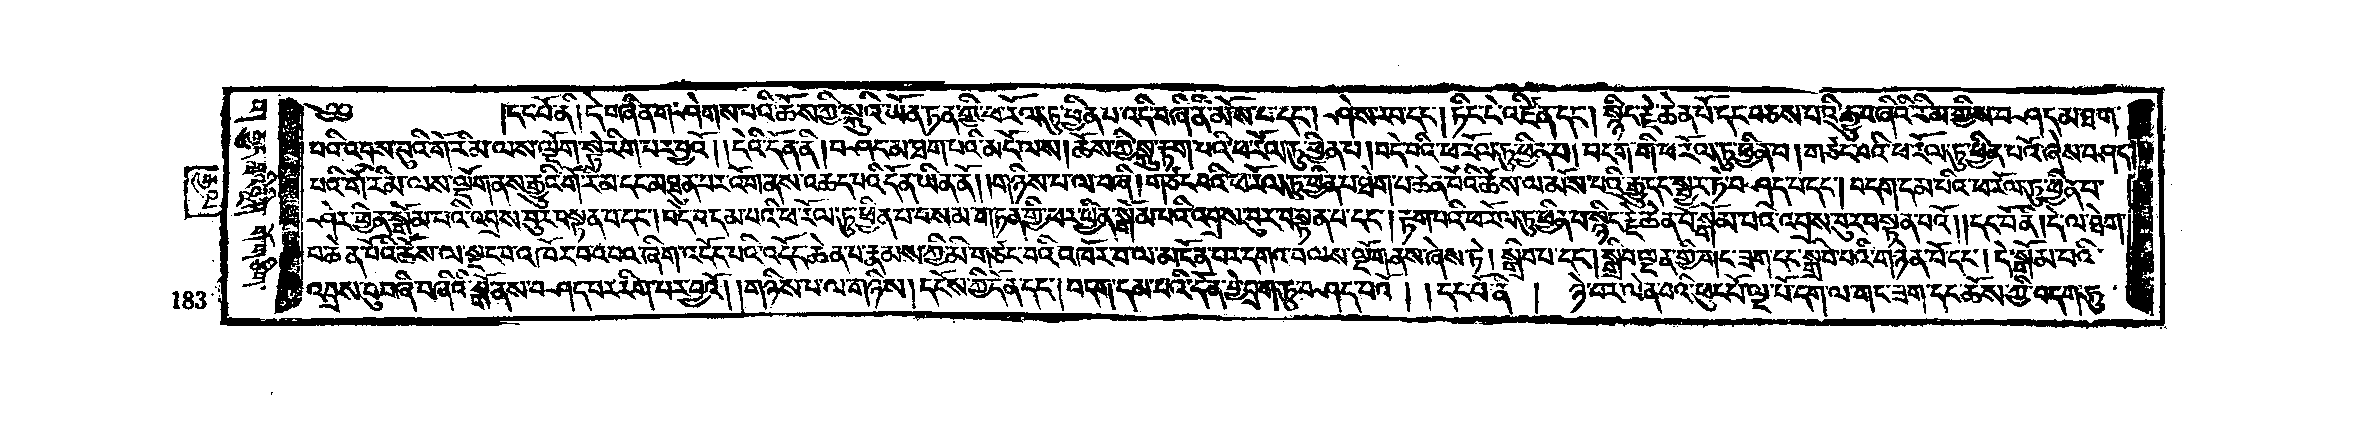༄༅། །དང་པོ་ནི། དེ་བཞིན་གཤེགས་པའི་ཆོས་ཀྱི་སྐུའི་ཡོན་ཏན་གྱི་ཕ་རོལ་ཏུ་ཕྱིན་པ་འདི་བཞི་ནི་མོས་པ་དང་། ཤེས་རབ་དང་། ཏིང་ངེ་འཛིན་དང་། སྙིང་རྗེ་ཆེན་པོ་དང་བཅས་པའི་རྒྱུ་བཞིའི་རིམ་གྱིས་བཤད་མ་ཐག་
པའི་འབྲས་བུའི་གོ་རིམ་ལས་ལྡོག་སྟེ་རིག་པར་བྱའོ། །དེའི་དོན་ནི། བཤད་མ་ཐག་པའི་མདོ་ལས། ཆོས་ཀྱི་སྐུ་རྟག་པའི་ཕ་རོལ་ཏུ་ཕྱིན་པ། བདེ་བའི་ཕ་རོལ་ཏུ་ཕྱིན་པ། བདག་གི་ཕ་རོལ་ཏུ་ཕྱིན་པ། གཙང་བའི་ཕ་རོལ་ཏུ་ཕྱིན་པའོ་ཞེས་བཤད་
པའི་གོ་རིམ་ལས་ལྡོག་ནས་རྒྱུའི་གོ་རིམ་དང་མཐུན་པར་འོག་ནས་འཆད་པའི་དོན་ཡིན་ནོ། །གཉིས་པ་ལ་བཞི། གཙང་བའི་ཕ་རོལ་ཏུ་ཕྱིན་པ་ཐེག་པ་ཆེན་པོའི་ཆོས་ལ་མོས་པའི་རྒྱུ་དང་སྦྱར་ཏེ་བཤད་པ་དང་། བདག་དམ་པའི་ཕ་རོལ་ཏུ་ཕྱིན་པ་
ཤེར་ཕྱིན་སྒོམ་པའི་འབྲས་བུར་བསྟན་པ་དང་། བདེ་བ་དམ་པའི་ཕ་རོལ་ཏུ་ཕྱིན་པ་བསམ་གཏན་གྱི་ཕར་ཕྱིན་སྒོམ་པའི་འབྲས་བུར་བསྟན་པ་དང་། རྟག་པའི་ཕ་རོལ་ཏུ་ཕྱིན་པ་སྙིང་རྗེ་ཆེན་པོ་སྒོམ་པའི་འབྲས་བུར་བསྟན་པའོ། །དང་པོ་ནི། དེ་ལ་ཐེག་
པ་ཆེན་པོའི་ཆོས་ལ་སྡང་བ་འཁོར་བ་འབའ་ཞིག་འདོད་པའི་འདོད་ཆེན་པ་རྣམས་ཀྱི་མི་གཙང་བའི་འཁོར་བ་ལ་མངོན་པར་དགའ་བ་ལས་ལྡོག་ནས་ཞེས་ཏེ། སྒྲིབ་པ་དང་། སྒྲིབ་ལྡན་གྱི་གང་ཟག་དང་སྒྲིབ་པའི་གཉེན་པོ་དང་། དེ་སྒོམ་པའི་
འབྲས་བུ་བཞི་བཞིའི་སྒོ་ནས་བཤད་པར་རིག་པར་བྱའོ། །གཉིས་པ་ལ་གཉིས། དངོས་ཀྱི་དོན་དང་། བདག་དམ་པའི་དོན་བྱེ་བྲག་ཏུ་བཤད་པའོ། །དང་པོ་ནི། ཉེ་བར་ལེན་པའི་ཕུང་པོ་ལྔ་པོ་དག་ལ་གང་ཟག་དང་ཆོས་ཀྱི་བདག་ཏུ་